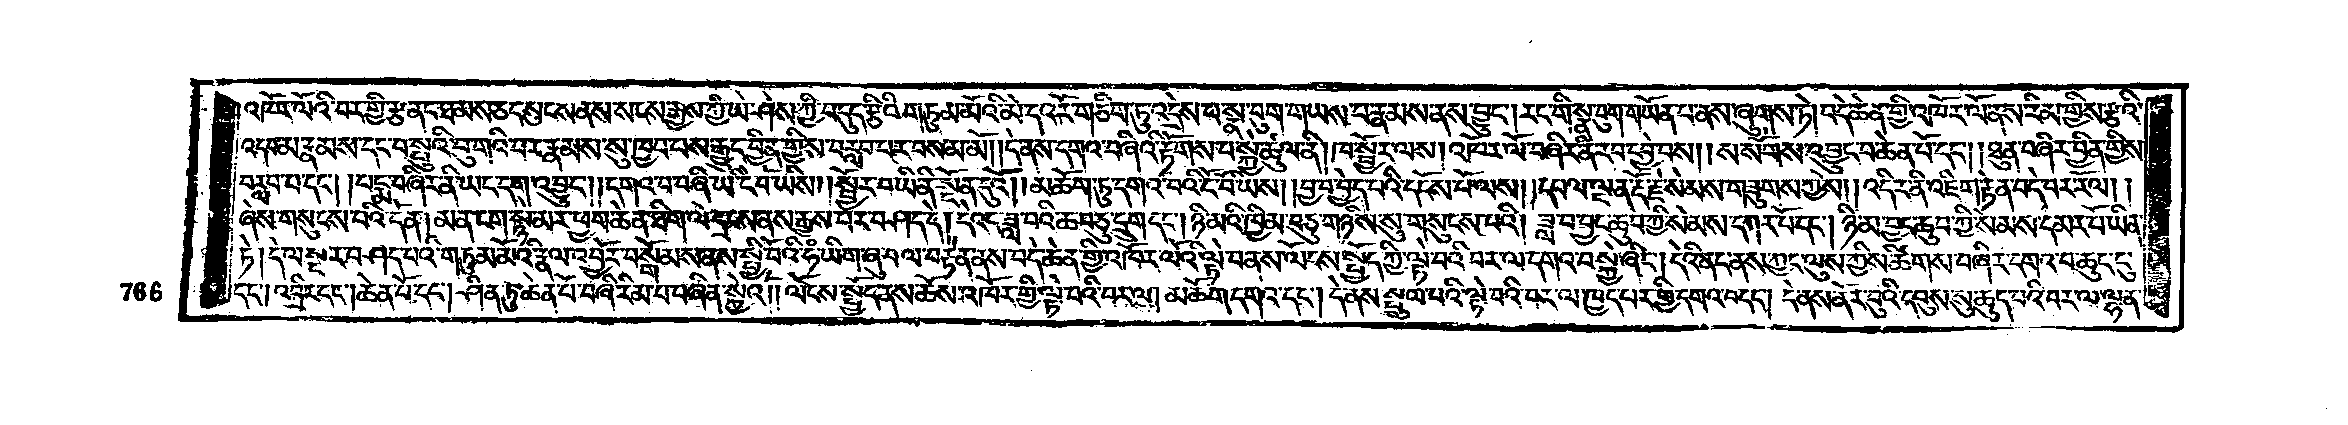འཁོར་ལོའི་བར་གྱི་རྩ་ནང་ཐམས་ཅད་སྤངས་ནས་སངས་རྒྱས་ཀྱི་ཡེ་ཤེས་ཀྱི་བདུད་རྩིའི་གཏུམ་མོའི་མེ་དང་རོ་གཅིག་ཏུ་འདྲེས་པ་སྣ་བུག་གཡས་པ་རྣམས་ནས་བྱུང་། རང་གི་སྣ་བུག་གཡོན་པ་ནས་ཞུགས་ཏེ། བདེ་ཆེན་གྱི་འཁོར་ལོ་ནས་རིམ་གྱིས་རྩའི་
འདབ་མ་རྣམས་དང་བ་སྤུའི་བུ་གའི་བར་རྣམས་སུ་ཁྱུབ་པས་རྒྱུད་བྱིན་གྱིས་བརླབ་པར་བསམ་མོ། །དེ་ནས་དགའ་བཞིའི་རྟོགས་པ་སྐྱེ་ཚུལ་ནི། ཁ་སྦྱོར་ལས། འཁོར་ལོ་བཞིར་ནི་རབ་དབྱེ་བས། །ས་སོགས་འབྱུང་བ་ཆེན་པོ་དང་། །ཐུན་བཞིར་བྱིན་གྱིས་
བརླབ་པ་དང་། པདམ་བཞིར་ནི་ཡང་དག་འབྱུང་། །དགའ་བ་བཞི་ཡི་ངོ་བོ་ཡིས། །སྦྱོར་བ་ཡི་ནི་སྔོན་དུའོ། །མཆོག་ཏུ་དགའ་བའི་ངོ་བོ་ཡིས། །བྱ་བ་བྱེད་པའི་དངོས་པོ་ལས། །དཔལ་ལྡན་རྡོ་རྗེ་སེམས་གཟུགས་ཀྱིས། །འདིར་ནི་འཇིག་རྟེན་བདེ་བར་རོལ། །
ཞེས་གསུངས་པའི་དོན། མན་ངག་སྙེ་མར་ཕྱག་ཆེན་ཐིག་ལེ་དྲངས་ནས་རྒྱས་པར་བཤད་དེ། དེའང་ཟླ་བའི་ཆ་བཅུ་དྲུག་དང་། ཉི་མའི་ཁྱིམ་བཅུ་གཉིས་སུ་གསུངས་པའི། ཟླ་བ་བྱང་ཆུབ་ཀྱི་སེམས་དཀར་པོ་དང་། ཉི་མ་བྱང་ཆུབ་ཀྱི་སེམས་དམར་པོ་ཡིན་
ཏེ། དེ་ལ་སྔར་བཤད་པའི་གཏུམ་མོའི་རྣལ་འབྱོར་བསྒོམས་ནས་སྤྱི་བོའི་ཧཾ་ཡིག་ཞུ་བ་ལ་བརྟེན་ནས་བདེ་ཆེན་གྱི་འཁོར་ལོའི་ལྟེ་བ་ནས་ལོངས་སྤྱོད་ཀྱི་ལྟེ་བའི་བར་ལ་དགའ་བ་སྐྱེ་ཞིང་། དེའི་ནང་ནས་ཀྱང་ལུས་ཀྱིས་ཚིགས་བཞིར་དགའ་བ་ཆུང་ངུ་
དང་། འབྲིང་དང་། ཆེན་པོ་དང་། ཤིན་ཏུ་ཆེན་པོ་བཞི་རིམ་པ་བཞིན་སྐྱེའོ། །ལོངས་སྤྱོད་ནས་ཆོས་འཁོར་གྱི་ལྟེ་བའི་བར་ལ། མཆོག་དགའ་དང་། དེ་ནས་སྤྲུལ་བའི་ལྟེ་བའི་བར་ལ་ཁྱད་པར་གྱི་དགའ་བ་དང་། དེ་ནས་ནོར་བུའི་དབུས་སུ་ཆུད་པའི་བར་ལ་ལྷན་